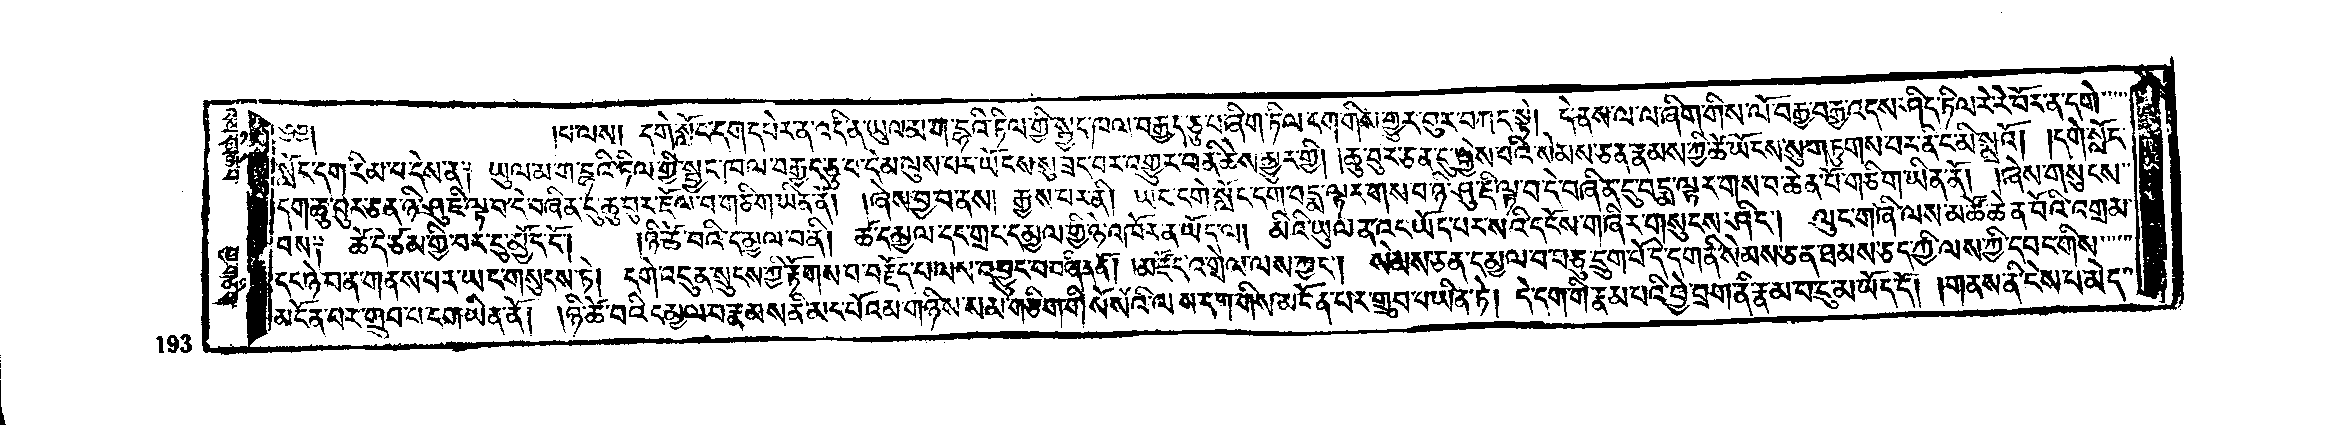༄༅། །པ་ལས། དགེ་སློང་དག་དཔེར་ན་འདི་ན་ཡུལ་མ་ག་དྷའི་ཏིལ་གྱི་སྦྱང་ཁལ་བརྒྱད་ཅུ་པ་ཞིག་ཏིལ་དག་གིས་བྱུར་བུར་བཀང་སྟེ། དེ་ནས་ལ་ལ་ཞིག་གིས་ལོ་བརྒྱ་བརྒྱ་འདས་ཤིང་ཏིལ་རེ་རེ་བོར་ན་དགེ་
སློང་དག་རིམ་པ་དེས་ན། ཡུལ་མ་ག་དྷའི་ཏིལ་གྱི་སྦྱང་ཁལ་བརྒྱད་ཅུ་པ་དེ་མ་ལུས་པར་ཡོངས་སུ་ཟད་པར་འགྱུར་བ་ནི་ཆེས་མྱུར་གྱི། ཆུ་བུར་ཅན་དུ་སྐྱེས་པའི་སེམས་ཅན་རྣམས་ཀྱི་ཚེ་ཡོངས་སུ་གཏུགས་པར་ནི་ང་མི་སྨྲའོ། །དགེ་སློང་
དག་ཆུ་བུར་ཅན་ཉི་ཤུ་ཇི་ལྟ་བ་དེ་བཞིན་དུ་ཆུ་བུར་རྡོལ་བ་གཅིག་ཡིན་ནོ། །ཞེས་བྱ་བ་ནས། རྒྱས་པར་ནི། ཡང་དགེ་སློང་དག་པདམ་ལྟར་གས་པ་ཉི་ཤུ་ཇི་ལྟ་བ་དེ་བཞིན་དུ་པདམ་ལྟར་གས་པ་ཆེན་པོ་གཅིག་ཡིན་ནོ། །ཞེས་གསུངས་
པས༑ ཚེ་དེ་ཙམ་གྱི་བར་དུ་མྱོང་ངོ། །ཉི་ཚེ་བའི་དམྱལ་བ་ནི། ཚ་དམྱལ་དང་གྲང་དམྱལ་གྱི་ཉེ་འཁོར་ན་ཡོད་ལ། མིའི་ཡུལ་ནའང་ཡོད་པར་སའི་དངོས་གཞིར་གསུངས་ཤིང་། ལུང་གཞི་ལས་མཚོ་ཆེན་པོའི་འགྲམ་
དང་ཉེ་བ་ན་གནས་པར་ཡང་གསུངས་ཏེ། དགེ་འདུན་སྲུངས་ཀྱི་རྟོགས་པ་བརྗོད་པ་ལས་འབྱུང་བ་བཞིན་ནོ། །མཛོད་འགྲེལ་ལས་ཀྱང་། སེམས་ཅན་དམྱལ་བ་བཅུ་དྲུག་པོ་དེ་དག་ནི་སེམས་ཅན་ཐམས་ཅད་ཀྱི་ལས་ཀྱི་དབང་གིས་
མངོན་པར་གྲུབ་པ་དག་ཡིན་ནོ། །ཉི་ཚེ་བའི་དམྱལ་བ་རྣམས་ནི་མང་པོའམ་གཉིས་སམ་གཅིག་གི་སོ་སོའི་ལས་དག་གིས་མངོན་པར་གྲུབ་པ་ཡིན་ཏེ། དེ་དག་གི་རྣམ་པའི་བྱེ་བྲག་ནི་རྣམ་པ་དུ་མ་ཡོད་དོ། །གནས་ནི་ངེས་པ་མེད་